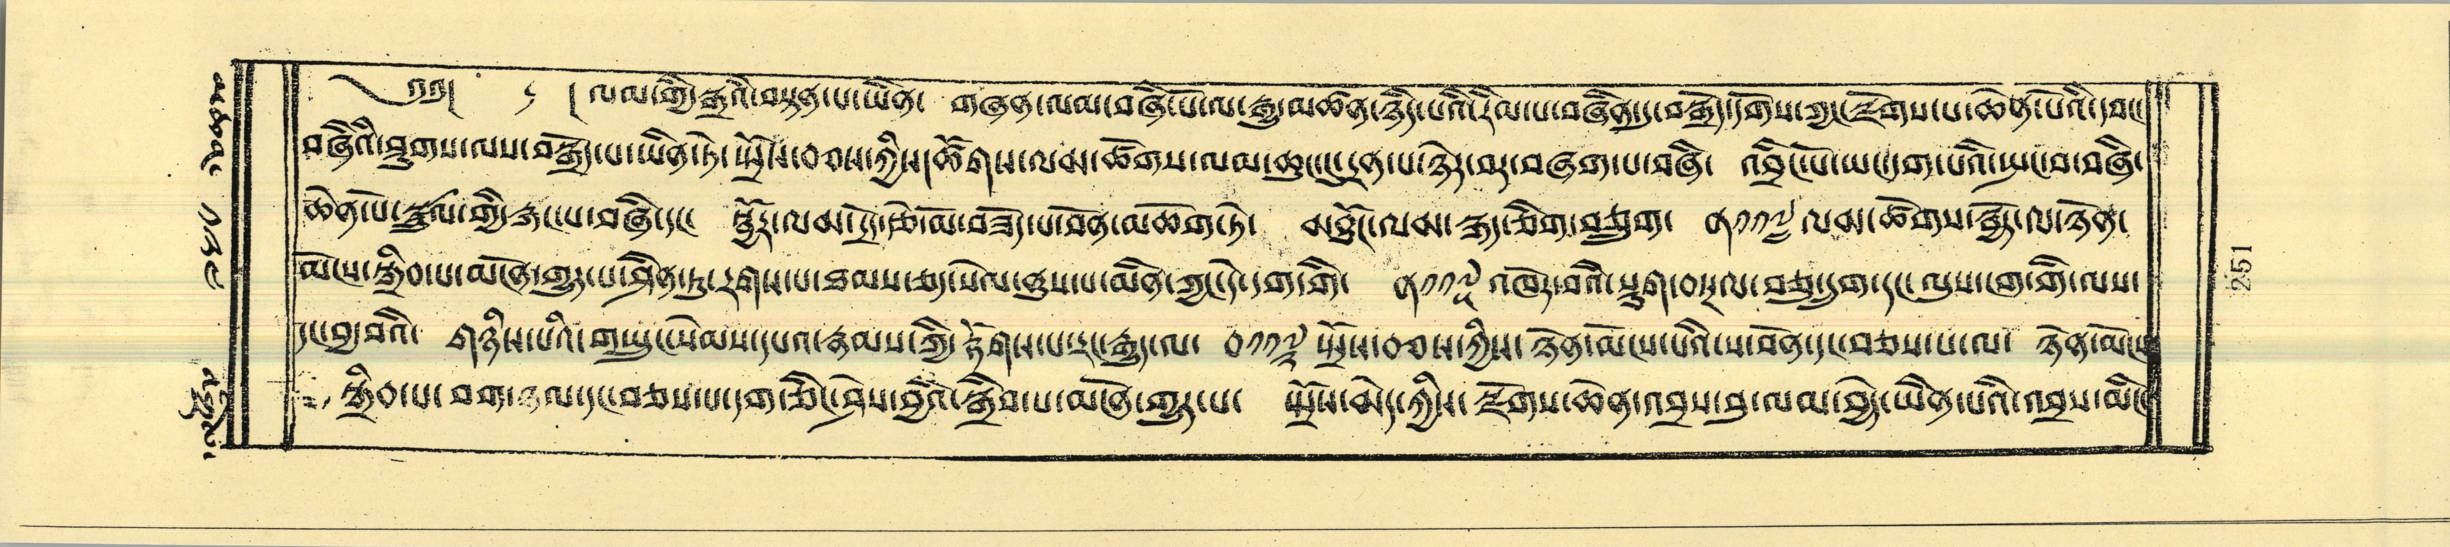ལམ་གྱི་སྒྲའི་བསྟན་པ་ཡིན། གཞན་ལམ་བཞི་པོ་ལ་རྒྱུ་མཚན་ཉིད་པའི་རིམ་པ་བཞིན་དུ་བསྒྲོད་དགོས་ཀྱང་སྫོགས་པ་ཆེན་པོའི་དབང་
བཞིའི་ཤུགས་ལས་བསྒྲོད་པ་ཡིན་ཏེ་སྤྲོས་བཅས་ཀྱིས་ཚོགས་ལམ་་ཚོགས་ལམ་ཆུང་ངུ་དྲན་པ་ཉེར་བར་བཞག་པ་བཞི། འབྲིང་པོ་ཡང་དག་པའི་སྤང་བཞི་
ཆེན་པོ་སྫུ་འཕྲུལ་གྱི་རྐང་བ་བཞི་དང། སྦྱོར་ལམ་དྲོད་རྩེ་མོ་བཟོད་པ་བོན་མཆོག་ཏེ། མཐོང་ལམ་སྐད་ཅིག་བཅུ་དྲུག ན༡༡༧།༤ ལམ་ཚོགས་སྦྱོར་ལ་ཉོན་
མོངས་སགྲིབ་པ་མངོན་གྱུར་པ་ཤིན་ཏུ་རགས་པ་ཐམས་ཅད་སེལ་ནུས་པ་མིན་ཀྱང་དེ་དག་གི་ ན༡༡༧།༥ འཁོར་བའི་སྡུག་བསྔལ་བཅུ་དྲུག་དང་ལུས་ངག་གི་ལས་
དང་བྱ་བའི་ གཉིས་པའི་གཡུང་དྲུང་སེམས་དཔའ་རྣམས་ཀྱི་རྟོགས་པ་རང་རྒྱུད་ལ་ བ༡༡༧།༢ སྤྲོས་བཅས་ཀྱིས་ཉོན་མོངས་པའི་ས་བོན་དང་བཅས་པ་ལ། ཉོན་མོངས་ 
སྒྲིབ་པ་བག་ཉལ་དང་བཅས་པ་དག་ཅིང་ཤེས་བྱའི་སྒྲིབ་པ་མངོན་གྱུར་པ། སྤྲོས་མེད་ཀྱིས་སྫོགས་ཆེན་འབྲས་བུ་ལམ་བྱེད་ཡིན་པའི་འབྲས་མིང་